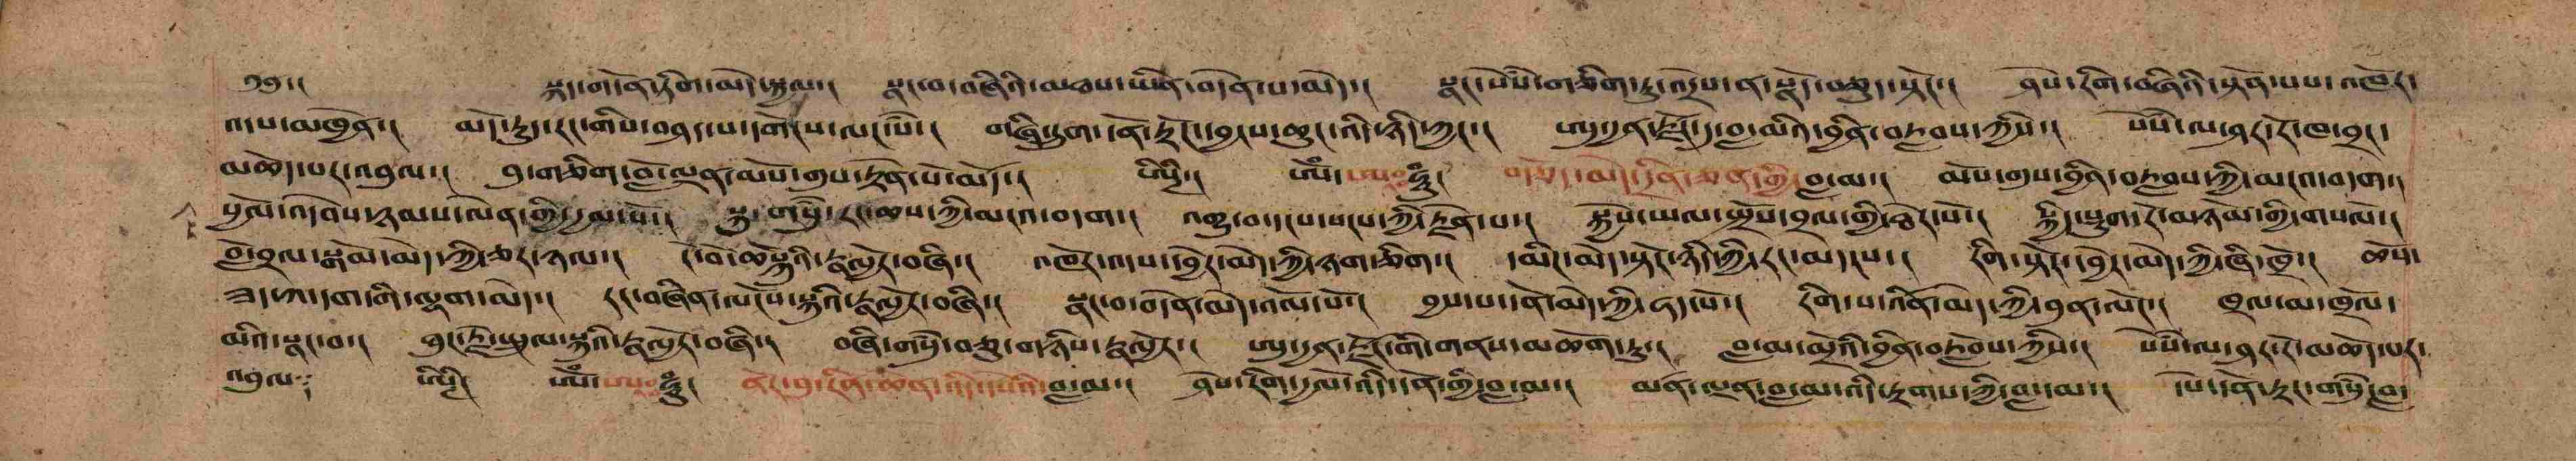༄༅་། སྐད་གདོན་རིག་མེད་སྐྱམ་། སྣད་བ་བཞིའི་མཐའ་ཡས་སེམས་ཅན་བདེན་པ་མེད། སྣང་སེམས་གཅིག་ཏུ་འདྲེས་ན་སྣོད་བཅུད་སྟོང་། ཤེས་རིག་བཞིའི་སྟོན་པས་འཁོར་
འདས་མཁྱེན། མདོ་རྒྱུད་རང་གིས་བཤད་པ་དགོངས་ལགས་སམ། གཞི་དྲུག་དོན་རྟོགས་དབྱངས་ཆུང་འདི་ཉིད་ཀྱང་། ཨུ་རྒྱན་རྫོང་དུ་བླ་མའི་བྱིན་བརླབས་ཀྱིས། སེམས་ལ་ཤར་རོ་ཁ་བྲང་
མཆོད་པར་འབུལ། བུ་གཅིག་བློ་ལྡན་མོས་གུས་རྟེན་པོ་མཛོད། ཨིཊི། ཨོཾ་ཨཿཧཱུཾ། བརྩོན་མེད་དྲིན་ཅན་གྱི་བླ་མ། མོས་གུས་བྱིན་བརླབས་ཀྱི་མངའ་བདག། 
གསོལ་འདེབས་ཉམས་ལེན་གྱི་རྒྱལ་པོ། སྐུ་གསུམ་རང་ཆས་ཀྱི་མངའ་བདག འགྱུ་བ་དང་པ་སངས་རྒྱས་རྗེན་པ་། སྐྱེས་ཡལ་སྤྲོས་བྲལ་གྱི་ཐེར་སོ་། སྐྱིད་སྡུག་རོ་མཉམ་གྱི་གསལ་ལོ་། 
བློ་བྲལ་སྒོམ་མེད་ཀྱི་ཅར་ཉལ། ངོ་བོ་ཆོས་སྐུའི་རྣལ་འབྱོར་བཞི། འཁོར་འདས་དབྱེར་མེད་ཀྱི་ཉག་ཅིག དམིགས་མེད་སྟོང་ཉིད་ཀྱི་རང་མདངས། རིག་སྟོང་དབྱེར་མེད་ཀྱི་ཞི་ཁྲོ། ཆོས་
ཟད་ཀ་དག་གི་ལྷ་མེད། རང་བཞིན་ལོངས་སྐུའི་རྣལ་འབྱོར་བཞི། སྣང་བ་བདེན་མེད་འོལ་པོ། བྱས་པ་དོན་མེད་ཀྱི་ཧད་པོ། རིག་པ་འཛིན་མེད་ཀྱི་བུན་ལོང་། ཁྲལ་མ་ཁྲོལ་
མའི་སྣང་བ། ཐུགས་རྗེ་སྤྲུལ་སྐུའི་རྣལ་འབྱོར་བཞི། བཞི་གསུམ་བཅུ་གཉིས་རྣལ་འབྱོར། ཨུ་རྒྱན་རྫོང་གི་གནས་མཆོག་ཏུ། བླ་མ་མཁའ་འགྲོའི་བྱིན་བརློབས་ཀྱིས། སེམས་ལ་ཤར་རོ་མཆོད་པར་
འབུལ༑ ཨིཊི། ཨོཾ་ཨཿཧཱུཾ། ནོར་བུ་རིན་ཆེན་འདི་དཔེའི་བླ་མ། ཤེས་རིག་རྒྱལ་པོ་འདི་དོན་གྱི་བླ་མ། མཚན་ལྡན་བླ་མ་འདི་རྟགས་ཀྱི་བླ་མ། དཔེ་དོན་རྟགས་གསུམ་བླ་